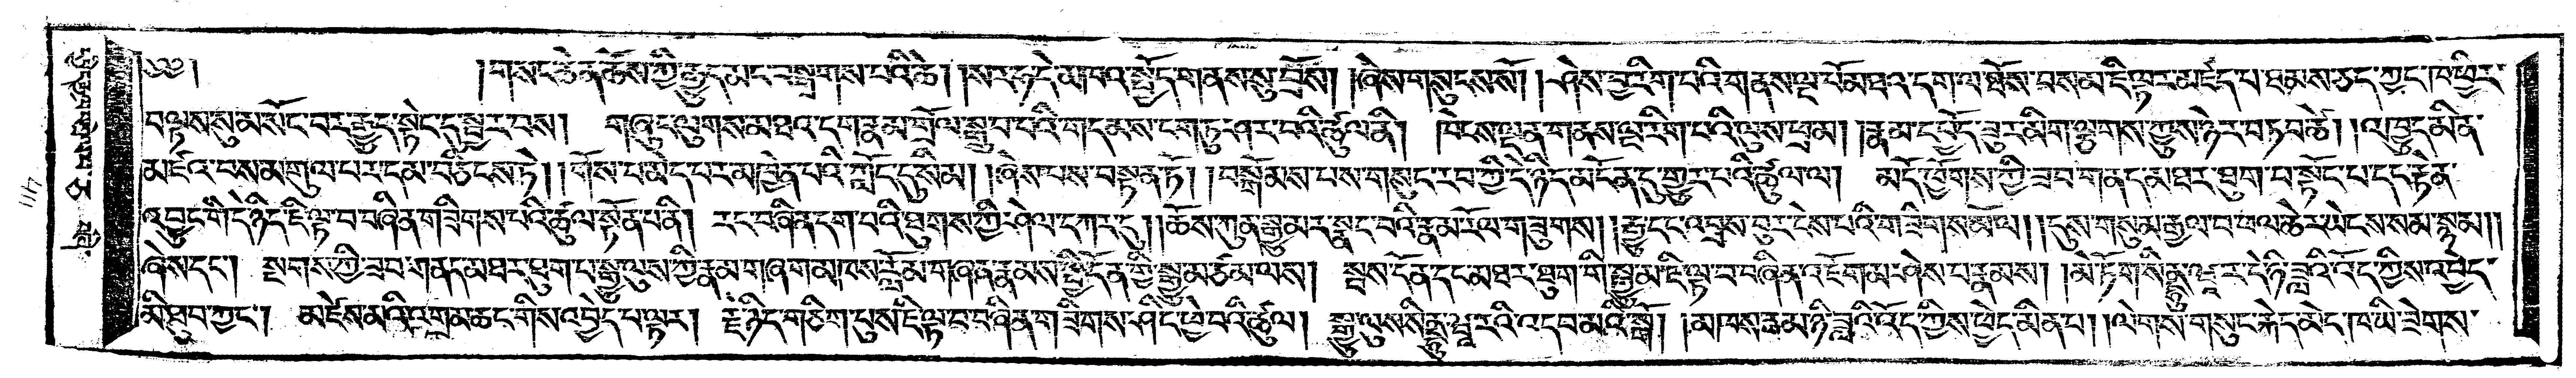༄༅། །གསང་ཆེན་ཆོས་ཀྱི་རྒྱུད་མང་བསྒྲགས་པའི་ཆེ། །སར་ཧ་དེ་མཁའ་སྤྱོད་གནས་སུ་བྲོས། །ཞེས་གསུངས་སོ། །ཤེས་བྱ་རིག་པའི་གནས་ལྔ་པོ་མཐའ་དག་ལ་ཐོས་བསམ་ཇི་ལྟར་མཛད་པ་ཐམས་ཅད་ཀྱང་ཁ་ཕྱིར་
བལྟས་སུ་མ་སོང་བར་རྒྱུད་སྟེང་དུ་སྦྱར་བས། གཞུང་ལུགས་མཐའ་དག་རྣམ་གྲོལ་སྐྱབ་པའི་གདམས་ངག་ཏུ་ཤར་བའི་ཚུལ་ནི། ཁེངས་ལྡན་གནས་ལྔ་རིག་པའི་ལུས་ཕྲ་མ། །རྣམ་དཔྱོད་ཟུར་མིག་ལྕགས་ཀྱུས་ཉེར་བཏབ་ཚེ། །འཁྱུད་མིན་
མཛའ་བསམ་གུལ་པར་དམ་བཅིངས་ཏེ། །གོས་པ་མེད་པར་མཁྱེན་པའི་ཀློང་དུ་སིམ། །ཞེས་པས་བསྟན་ཏོ། །བསྒོམས་པས་གསུང་རབ་ཀྱི་དེ་ཉིད་མངོན་དུ་གྱུར་པའི་ཚུལ་ལ། མདོ་ཕྱོགས་ཀྱི་ཟབ་གནད་མཐའ་ཐུག་པ་སྟོང་པ་དང་རྟེན་
འབྱུང་གི་དེ་ཉིད་ཇི་ལྟ་བ་བཞིན་གཟིགས་པའི་ཚུལ་སྟོན་པ་ནི། རང་བཞིན་དག་པའི་ཐུགས་ཀྱི་ཤེལ་དཀར་དུ། །ཆོས་ཀུན་སྒྱུ་མར་སྨང་བའི་རྣམ་རོལ་གཟུགས། །རྒྱུ་དང་འབྲས་བུར་ངེས་པའི་གཟིགས་མོ་ལ། །དུས་གསུམ་རྒྱལ་བ་ཕལ་ཆེང་ཡེངས་སམ་སྙམ། །
ཞེས་དང་། སྔགས་ཀྱི་ཟབ་གནད་མཐར་ཐུག་པ་སྦྱུ་ལུས་ཀྱི་རྣམ་གཞག་མཁས་རློམ་གཞན་རྣམས་སྦྱི་དོན་གྱི་སྒྱུ་མྩམ་ལས། སྔས་དོན་དང་མཐར་ཐུག་གི་སྒྱུ་མ་ཇི་ལྟ་བ་བཞིན་འཇོག་མ་ཤེས་བ་རྣམས། །མོ་ཏག་སིརྡྷུ་ཝཱ་འདི་ཉི་ཟླའི་འོད་ཀྱིས་འབྱེད་
མི་ཐུབ་ཀྱང་། མཛེས་མའི་འགྲམ་ཆང་གིས་འབྱེད་པ་ལྟར། རྗེ་ཉིད་གཅིག་པུས་ཇི་ལྟ་བ་བཞིན་གཟིགས་ཤིང་ཕྱེ་བའི་ཚུལ། སྒྱུ་ལུས་སིནྡྷུ་ཝཱ་རའི་འདབ་མའི་སྒོ། །མཁས་རླ་མ་ཉི་ཟླའི་འོད་ཀྱིས་ཕྱེད་མིན་པ། །ལེགས་གསུང་རྐེད་མེད་ཁ་ཡི་ཟེགས་